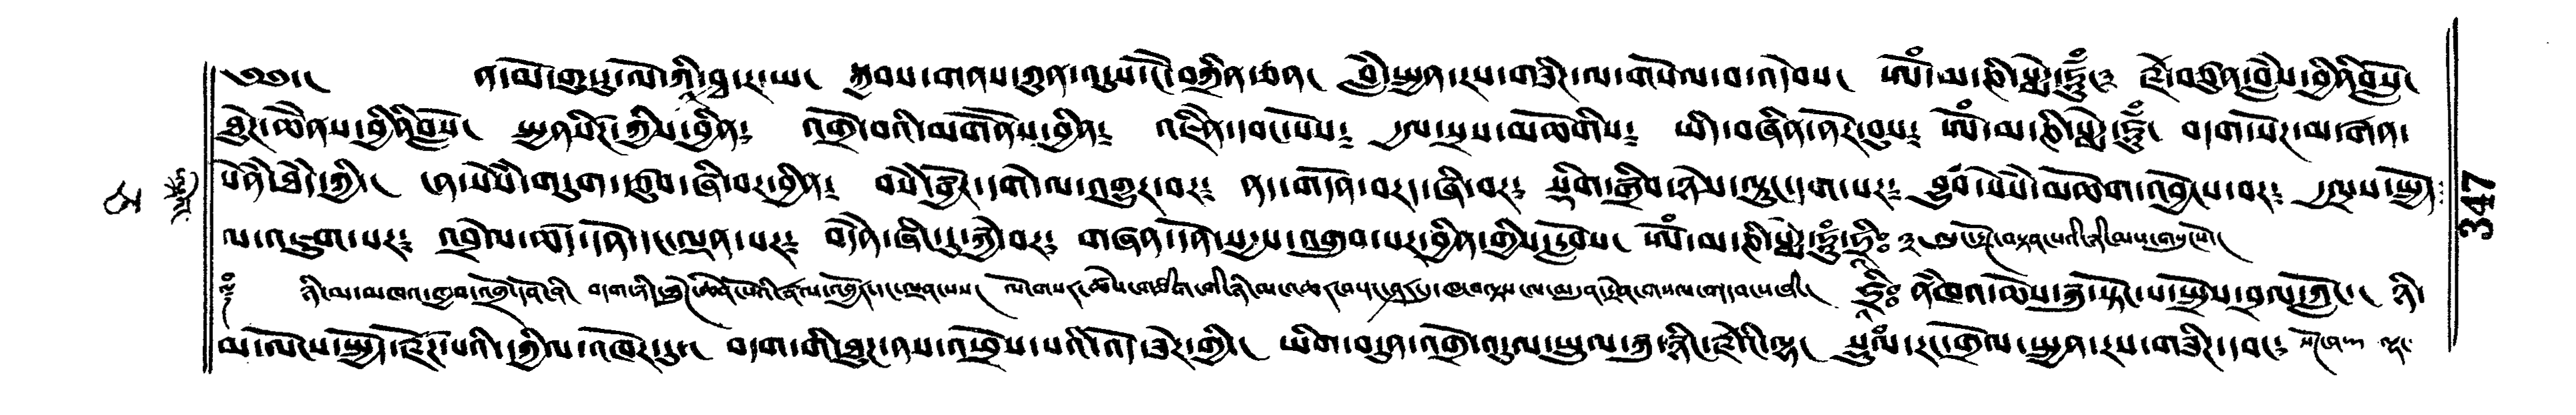༄༅། ན་མོ་གུ་རུ་ལོ་ཀཱི་ཤྭ་ར་ཡ། སྐྱབས་གནས་ཀུན་འདུས་ངོ་བོ་བཀའ་དྲིན་ཅན། །བླ་མ་སྤྱན་རས་གཟིགས་ལ་གསོལ་བ་འདེབས། ཨོཾ་མ་ཎི་པདྨེ་ཧཱུྃ། རྗེ་བཙུན་བླ་མས་བྱིན་གྱིས་རློབས། །
ཐུགས་རྗེས་ཆེན་པོ་བྱིན་གྱྀས་རློབས། །སྤྱན་རས་གཟིགས་ཀྱིས་བྱིན༴ འགྲོ་བའི་མགོན་པོས་བྱིན༴ འཇིག་རྟེན་དབང་པོས༴ རྒྱལ་སྲས་མཆོག་གིས༴ ཡིད་བཞིན་ནོར་བུས༴ ཨོཾ་མ་ཎི་དྨེ་ཧཱུྃ། བདག་སོགས་མ་རྒན་
སེམས་ཅན་ཐམས་ཅད་ཀྱི། །ངན་སེམས་གདུག་རྩུབ་ཞི་བར་བྱིན༴ བསམ་སྦྱོར་དགེ་ལ་འགྱུར་བར༴ ནད་གདོན་བར་ཆད་ཞི་བར༴ སྡིག་སྒྲིབ་ཉེས་ལྟུང་དག་པར༴ བྱང་ཆུབ་སེམས་མཆོག་འབྱོངས་བར༴ རྒྱལ་སྲས་སྤྱོད་
ལ་འཇུག་པར༴ འབྲེལ་ཚད་དོན་དང་ལྡན་པར༴ བདེ་ཆེན་ཞིང་དུ་སྐྱེ་བར༴ གཞན་དོན་སངས་རྒྱས་འགྲུབ་པར་བྱིན་གྱིས་རློབས། ཨོཾ་མ་ཎི་པདྨེ་ཧཱུྃ་ཧྲཱིཿ ལུང་རྟོགས་བསྟན་པའི་ཉི་མས་གསུངས་སོ།། 
༈ ཉི་མ་མཁའ་ཁྱབ་འགྲོ་དོན་ནི། བདག་ཉིད་ཐུགས་རྗེ་ཆེན་པོའི་རྣལ་འབྱོར་དང་ལྡན་པས། ལོ་གསར་ཚེས་གཅིག་གི་ཉི་མ་འཆར་བ་དང་ཤར་དུ་ཁ་བལྟས་ལ་མདུན་རྟེན་གསལ་གདབ་པ་ནི། ཧྲཱིཿ ནམ་མཁའ་ཆོས་སྐུ་སྟོང་པ་སྤྲོས་བྲལ་ཀློང་། །ཉི་
མ་ལོངས་སྤྱོད་རྫོགས་པའི་དཀྱིལ་འཁོར་དུ། །བདག་གི་ཐུགས་ནས་འཕྲོས་པའི་འོད་ཟེར་གྱི། །ཡིག་བདུན་འགྲོ་འདུལ་སྤྲུལ་སྐུ་སྙིང་རྗེའི་ལྷ། །སྡུག་བསྔལ་རང་གྲོལ་སྤྱན་རས་གཟིགས་དབང༴ སོགས་ནས། ལྷ་